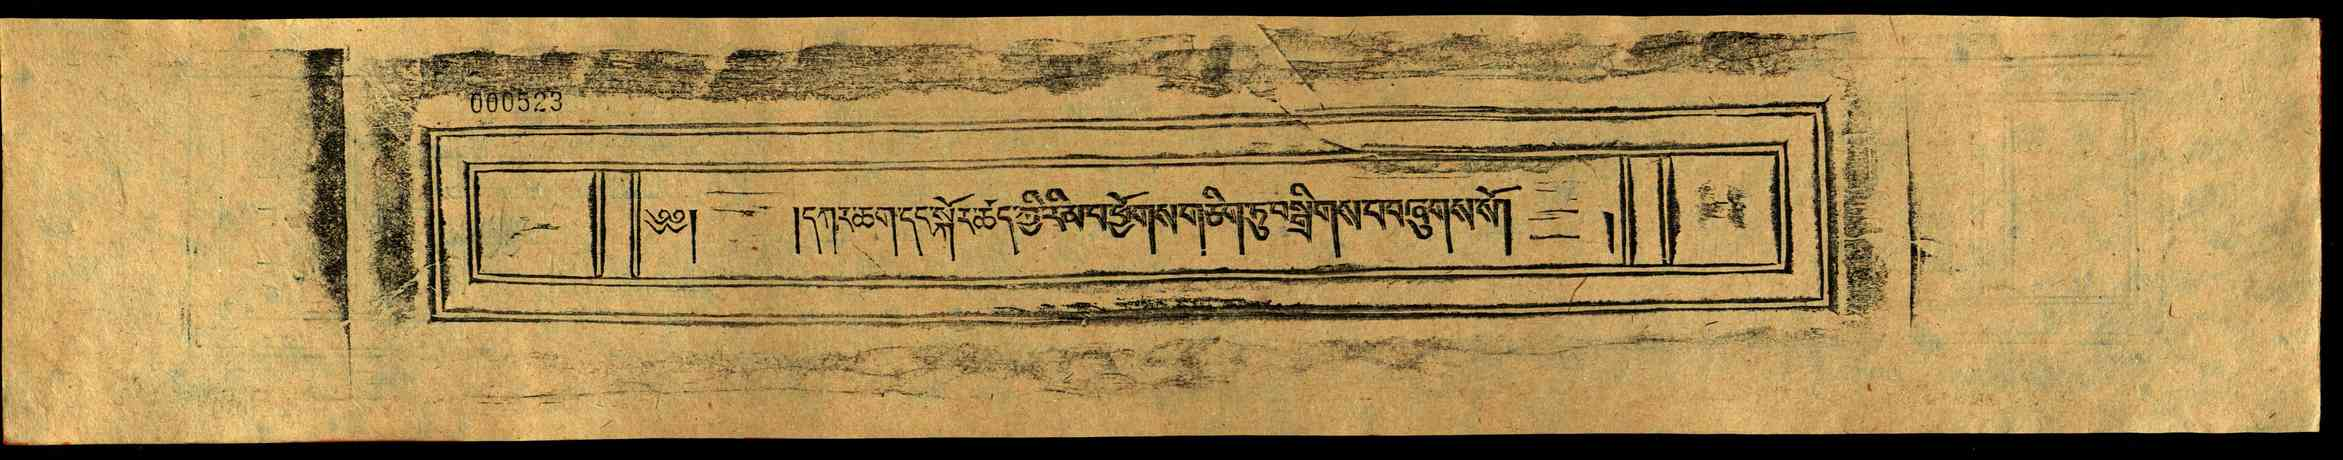༄༅། །དཀར་ཆག་དང་སྐོར་ཚད་ཀྱི་རིམ་པ་ཕྱོགས་གཅིག་ཏུ་བསྒྲིགས་པ་བཞུགས་སོ། །